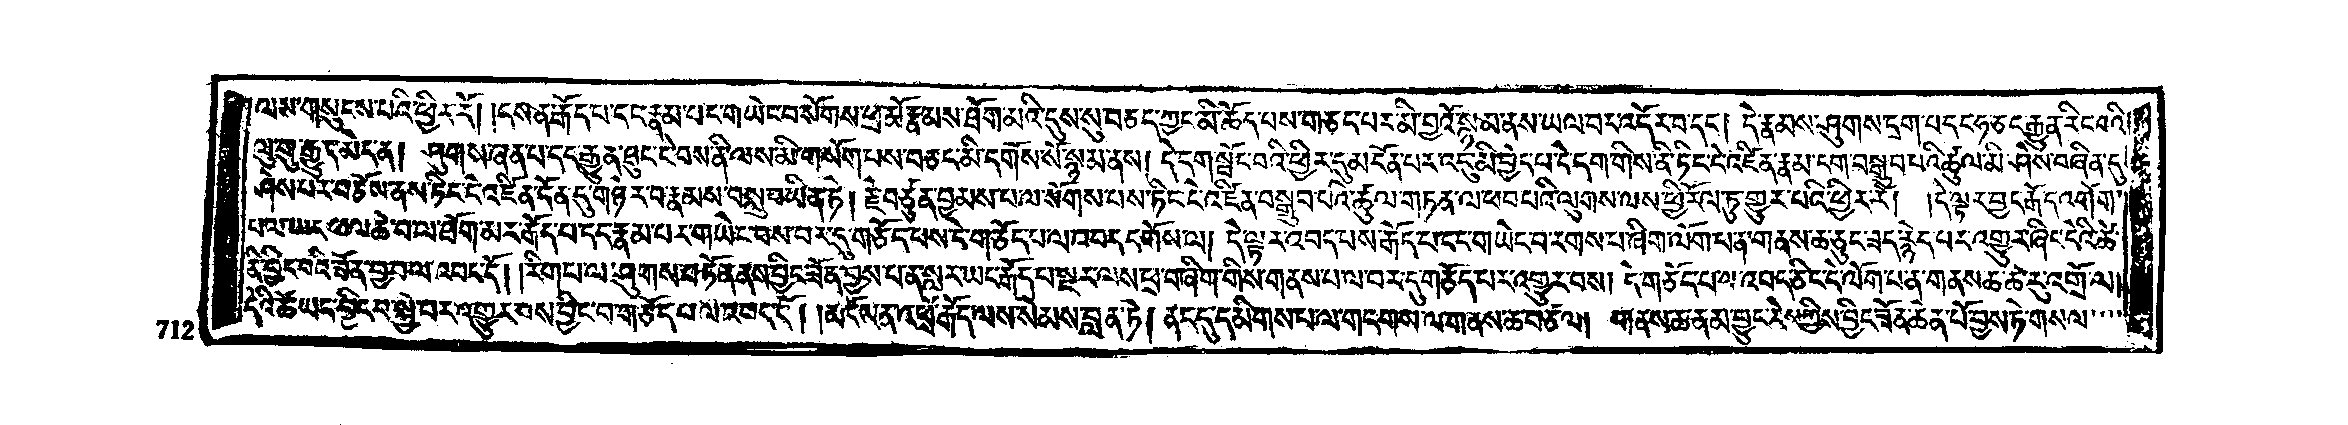ལས་གསུངས་པའི་ཕྱིར་རོ། །དེས་ན་རྒོད་པ་དང་རྣམ་པར་གཡེང་བ་སོགས་ཕྲ་མོ་རྣམས་ཐོག་མའི་དུས་སུ་བཅད་ཀྱང་མི་ཆོད་པས་གཅད་པར་མི་བྱའོ་སྙམ་ནས་ཡལ་བར་འདོར་བ་དང་། དེ་རྣམས་ཤུགས་དྲག་པ་དང་ཧ་ཅང་རྒྱུན་རིང་བའི་
ལུ་གུ་རྒྱུད་མེད་ན། ཤུགས་ཞན་པ་དང་རྒྱུན་ཐུང་ངེ་བས་ནི་ལས་མི་གསོག་པས་བཅད་མི་དགོས་སོ་སྙམ་ནས། དེ་དག་སྤོང་བའི་ཕྱིར་དུ་མངོན་པར་འདུ་མི་བྱེད་པ་དེ་དག་གིས་ནི་ཏིང་ངེ་འཛིན་རྣམ་དག་བསྒྲུབ་པའི་ཚུལ་མི་ཤེས་བཞིན་དུ་
ཤེས་པར་བཅོས་ནས་ཏིང་ངེ་འཛིན་དོན་དུ་གཉེར་བ་རྣམས་བསླུ་བ་ཡིན་ཏེ། རྗེ་བཙུན་བྱམས་པ་ལ་སོགས་པས་ཏིང་ངེ་འཛིན་བསྒྲུབ་པའི་ཚུལ་གཏན་ལ་ཕབ་པའི་ལུགས་ལས་ཕྱི་རོལ་ཏུ་གྱུར་པའི་ཕྱིར་རོ། །དེ་ལྟར་བྱིང་རྒོད་འགོག་
པ་ལ་ཡང་ཕལ་ཆེ་བ་ལ་ཐོག་མར་རྒོད་པ་དང་རྣམ་པར་གཡེང་བས་བར་དུ་གཅོད་པས་དེ་གཅོད་པ་ལ་འབད་དགོས་ལ། དེ་ལྟར་འབད་པས་རྒོད་པ་དང་གཡེང་བ་རགས་པ་ཞིག་ལོག་པ་ན་གནས་ཆ་ཅུང་ཟད་རྙེད་པར་འགྱུར་ཞིང་དེའི་ཚེ་
ནི་བྱིང་བའི་ཟོན་བྱ་བ་ལ་འབད་དོ། །རིག་པ་ལ་ཤུགས་བཏོན་ནས་བྱིང་ཟོན་བྱས་པ་ན་སླར་ཡང་རྒོད་པ་སྔར་ལས་ཕྲ་བ་ཞིག་གིས་གནས་པ་ལ་བར་དུ་གཅོད་པར་འགྱུར་བས། དེ་གཅོད་པ་ལ་འབད་ཅིང་དེ་ལོག་པ་ན་གནས་ཆ་ཆེ་རུ་འགྲོ་ལ།
དེའི་ཚེ་ཡང་བྱིང་བ་སྐྱེ་བར་འགྱུར་བས་བྱིང་བ་གཅོད་པ་ལ་འབད་དོ། །མདོར་ན་འཕྲོ་རྒོད་ལས་སེམས་བླན་ཏེ། ནང་དུ་དམིགས་པ་ལ་གདགས་ལ་གནས་ཆ་བཙལ། གནས་ཆ་ནམ་བྱུང་རེས་ཀྱིས་བྱིང་ཟོན་ཆེན་པོ་བྱས་ཏེ་གསལ་